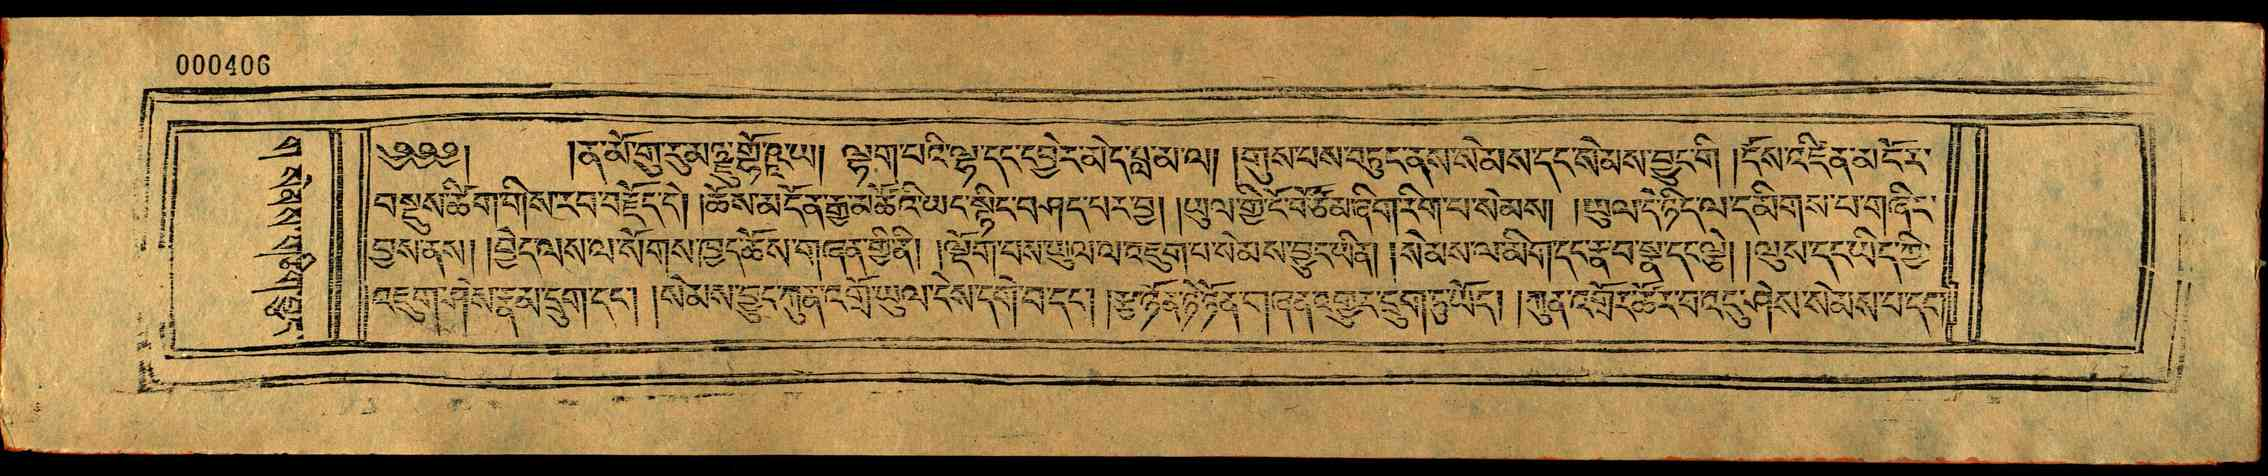༄༅༅། །ན་མོ་གུ་རུ་མཉྫུ་གྷོ་ཥཱ་ཡ། ལྷག་པའི་ལྷ་དང་དབྱེར་མེད་བླ་མ་ལ། །གུས་པས་བཏུད་ནས་སེམས་དང་སེམས་བྱུང་གི །ངོས་འཛིན་མདོར་
བསྡུས་ཚིག་གིས་རབ་བརྗོད་དེ། །ཆོས་མངོན་རྒྱ་མཚོའི་ཡང་སྙིང་བཤད་པར་བྱ། །ཡུལ་གྱི་ངོ་བོ་ཙམ་ཞིག་རིག་པ་སེམས། །ཡུལ་དེ་ཉིད་ལ་དམིགས་པ་གཞིར་
བྱས་ནས། །བྱེད་ལས་ལ་སོགས་ཁྱད་ཆོས་གཞན་གྱི་ནི། །ལྡོག་པས་ཡུལ་ལ་འཇུག་པ་སེམས་བྱུང་ཡིན། །སེམས་ལ་མིག་དང་རྣ་བ་སྣ་དང་ལྕེ། །ལུས་དང་ཡིད་ཀྱི་
འཇུག་ཤེས་རྣམ་དྲུག་དང་། །སེམས་བྱུང་ཀུན་འགྲོ་ཡུལ་དེས་དགེ་བ་དང་། །རྩ་ཉོན་ཉེ་ཉོན་གཞན་འགྱུར་དྲུག་ཏུ་ཡོང་། །ཀུན་འགྲོར་ཚོར་བ་འདུ་ཤེས་སེམས་པ་དང་།